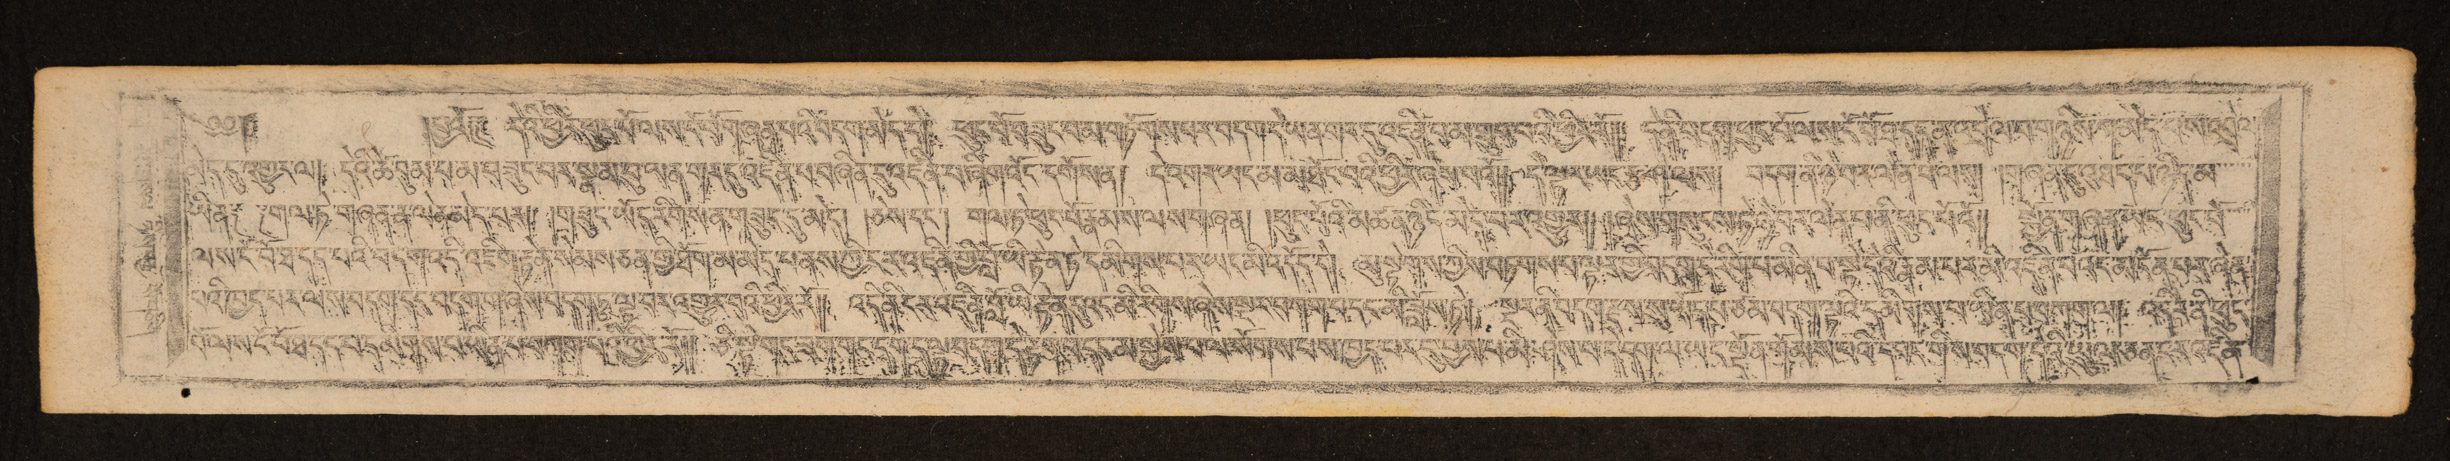༄༅། །བྱའོ༑༑ དེའི་ཕྱིར་ཕུང་པོ་ལས་ངོ་བོ་གཞན་པའི་བདག་མེད་དེ། ཕུང་པོ་བཟུང་བ་མ་གཏོགས་པར་བདག་དེ་ཡན་གར་དུ་འཛིན་པ་མ་གྲུབ་པའི་ཕྱིར་རོ།། དེ་ནི་བདག་ཕུང་པོ་ལས་ངོ་བོ་ཐ་དད་ན་འབྲེལ་བ་གཉིས་ཀ་མེད་པས་འབྲེལ་
མེད་དུ་འགྱུར་ལ། དེའི་ཚེ་བུམ་པ་མ་བཟུང་བར་སྣམ་བུ་ཡན་གར་དུ་འཛིན་པ་བཞིན་དུ་འཛིན་པ་ཞིག་འོང་དགོས་ན། དེ་འགར་ཡང་མ་མཐོང་བའི་ཕྱིར་ཞེས་པའོ།། དེ་ལྟར་ཡང་རྩ་ཤེ་ལས། བདག་ནི་ཉེ་བར་ལེན་པ་ལས། །གཞན་དུ་འཐད་པ་ཉིད་མ་
ཡིན༑ གལ་ཏེ་གཞན་ན་ལེན་མེད་པར། །གཟུང་ཡོད་རིགས་ན་གཟུང་དུ་མེད། །ཅེས་དང་། གལ་ཏེ་ཕུང་པོ་རྣམས་ལས་གཞན། །ཕུང་པོའི་མཚན་ཉིད་མེད་པར་འགྱུར། །ཞེས་གསུངས་ཏེ་ཉེ་བར་ལེན་པ་ནི་ཕུང་པོའོ།། སྐྱོན་གཞན་ཡང་ཕུང་པོ་
ལས་ངོ་བོ་ཐ་དད་པའི་བདག་འདི་འཇིག་རྟེན་སེམས་ཅན་གྱི་ཐོག་མ་མེད་པ་ནས་ཀྱི་ངར་འཛིན་གྱི་བློ་ཡི་རྟེན་ཏེ་དམིགས་པར་ཡང་མི་འདོད་དེ། མུ་སྟིགས་ཀྱིས་བཏགས་པ་ལྟར་གྱི་བདག་དེ་རིག་པ་མིན་པ་སྟེ་དེའི་རྣམ་པར་མི་འཛིན་པའང་མངོན་པར་ཞེན་
པའི་ཁྱད་པར་ལས་བདག་དང་བདག་གི་ཞེས་བདག་ཏུ་ལྟ་བར་འགྱུར་བའི་ཕྱིར་རོ།། འདི་ནི་ངར་འཛིན་བློ་ཡི་རྟེན་དུའང་མི་རིགས་ཞེས་སྔར་བཀག་པ་དང་མི་ཟློས་ཏེ། སྔར་ནི་བདག་རྫས་སུ་ཡོད་པ་ཙམ་བདག་ལྟའི་དམིགས་པ་ཡིན་པ་བཀག་ལ། འདིར་ནི་ཕུང་
པོ་ལས་ངོ་བོ་ཐ་དད་པ་དམིགས་པ་ཡིན་པ་བཀག་པའི་ཕྱིར་རོ།། ཅི་སྟེ་གང་ཟག་གང་དག་ད་ལྟ་བདག་དེ་རྟག་པ་དང་མ་སྐྱེས་པ་ལ་སོགས་པས་ཁྱད་པར་དུ་བྱས་པ་མི་ཤེས་པ་དེ་དག་ལ་ཡང་སྔོན་གོམས་པའི་དབང་གིས་བདག་དེའི་ཡུལ་ཅན་ངར་འཛིན་